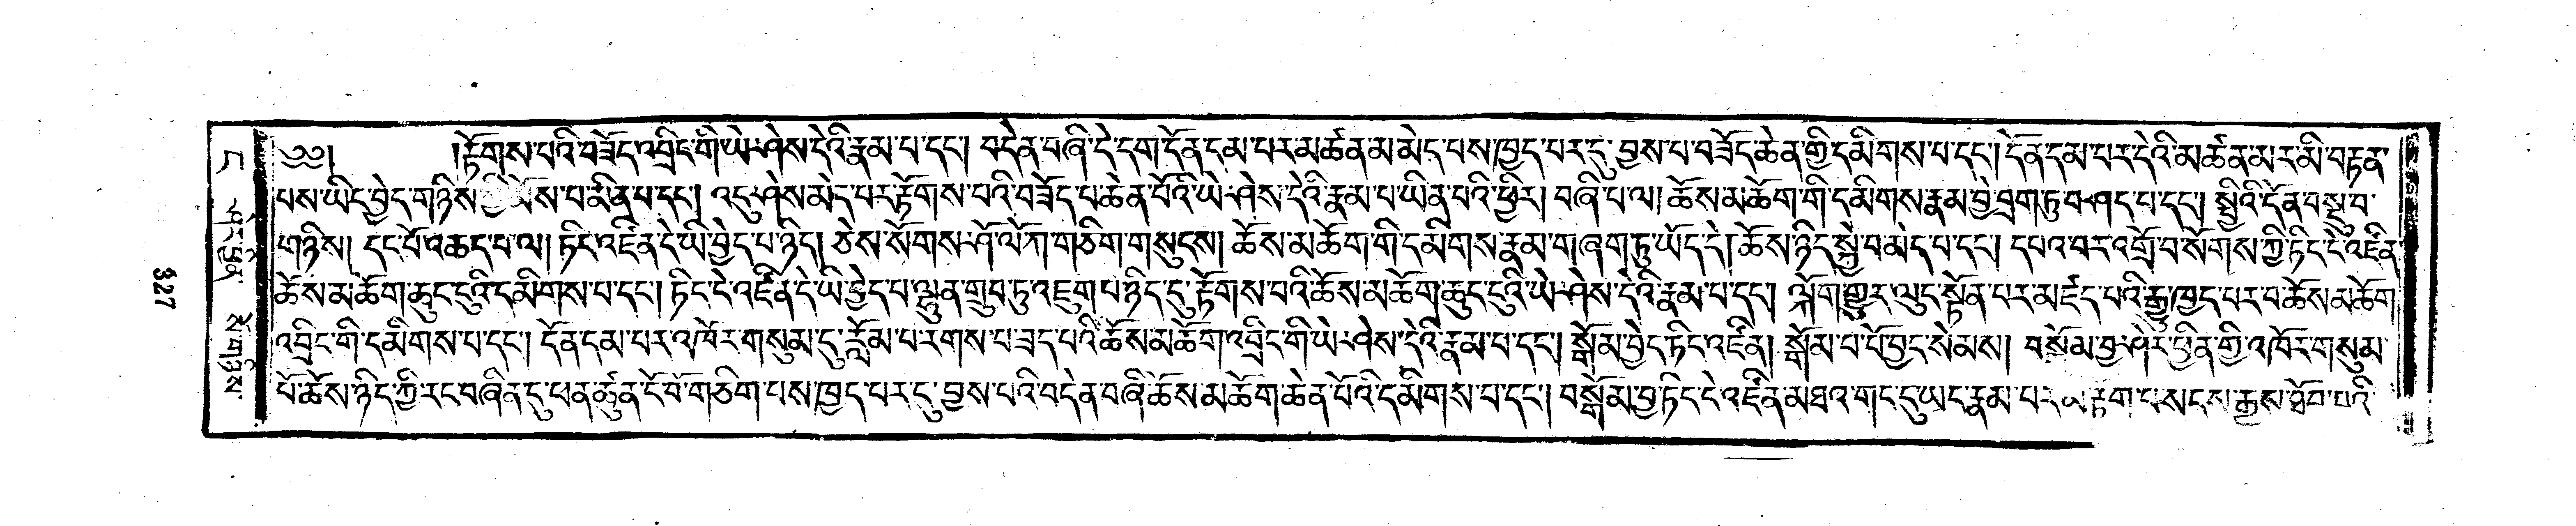༄༅། །རྟོགས་པའི་བཟོད་འབྲིང་གི་ཡེ་ཤེས་དེའི་རྣམ་པ་དང་། བདེན་བཞི་དེ་དག་དོན་དམ་པར་མཚན་མ་མེད་པས་ཁྱད་པར་དུ་བྱས་པ་བཟོད་ཆེན་གྱི་དམིགས་པ་དང་། དོན་དམ་པར་དེའི་མཚན་མར་མི་བརྟན་
པས་ཡིད་བྱེད་གཉིས་ཀྱི་མོས་པ་མིན་པ་དང་། འདུ་ཤེས་མེད་པར་རྟོགས་པའི་བཟོད་པ་ཆེན་པོའི་ཡེ་ཤེས་དེའི་རྣམ་པ་ཡིན་པའི་ཕྱིར། བཞི་པ་ལ། ཆོས་མཆོག་གི་དམིགས་རྣམ་བྱེ་བྲག་ཏུ་བཤད་པ་དང་། སྤྱིའི་དོན་བསྡུ་བ་
གཉིས། དང་པོ་འཆད་པ་ལ། ཏིང་འཛིན་དེ་ཡི་བྱེད་པ་ཉིད། ཅེས་སོགས་ཤོ་ལོ་ཀ་གཅིག་གསུངས། ཆོས་མཆོག་གི་དམིགས་རྣམ་གཞག་ཏུ་ཡོད་དེ། ཆོས་ཉིད་སྐྱེ་བ་མེད་པ་དང་། དཔའ་བར་འགྲོ་བ་སོགས་ཀྱི་ཏིང་ངེ་འཛིན་
ཆོས་མཆོག་ཆུང་ངུའི་དམིགས་པ་དང་། ཏིང་ངེ་འཛིན་དེ་ཡི་བྱེད་པ་ལྷུན་གྲུབ་ཏུ་འཇུག་པ་ཉིད་དུ་རྟོགས་པའི་ཆོས་མཆོག་ཆུང་ངུའི་ཡེ་ཤེས་དེའི་རྣམ་པ་དང་། ལྐོག་གྱུར་ལུང་སྟོན་པར་མཛད་པའི་རྒྱུ་ཁྱད་པར་བ་ཆོས་མཆོག་
འབྲིང་གི་དམིགས་པ་དང་། དོན་དམ་པར་འཁོར་གསུམ་དུ་རློམ་པ་རགས་པ་ཟད་པའི་ཆོས་མཆོག་འབྲིང་གི་ཡེ་ཤེས་དེའི་རྣམ་པ་དང་། སྒོམ་བྱེད་ཏིང་འཛིན། སྒོམ་པ་པོ་བྱང་སེམས། བསྒོམ་བྱ་ཤེར་ཕྱིན་གྱི་འཁོར་གསུམ་
པོ་ཆོས་ཉིད་ཀྱི་རང་བཞིན་དུ་ཕན་ཚུན་ངོ་བོ་གཅིག་པས་ཁྱད་པར་དུ་བྱས་པའི་བདེན་བཞི་ཆོས་མཆོག་ཆེན་པོའི་དམིགས་པ་དང་། བསྒོམ་བྱ་ཏིང་ངེ་འཛིན་མཐའ་གང་དུ་ཡང་རྣམ་པར་མི་རྟོག་པ་སངས་རྒྱས་ཐོབ་པའི་